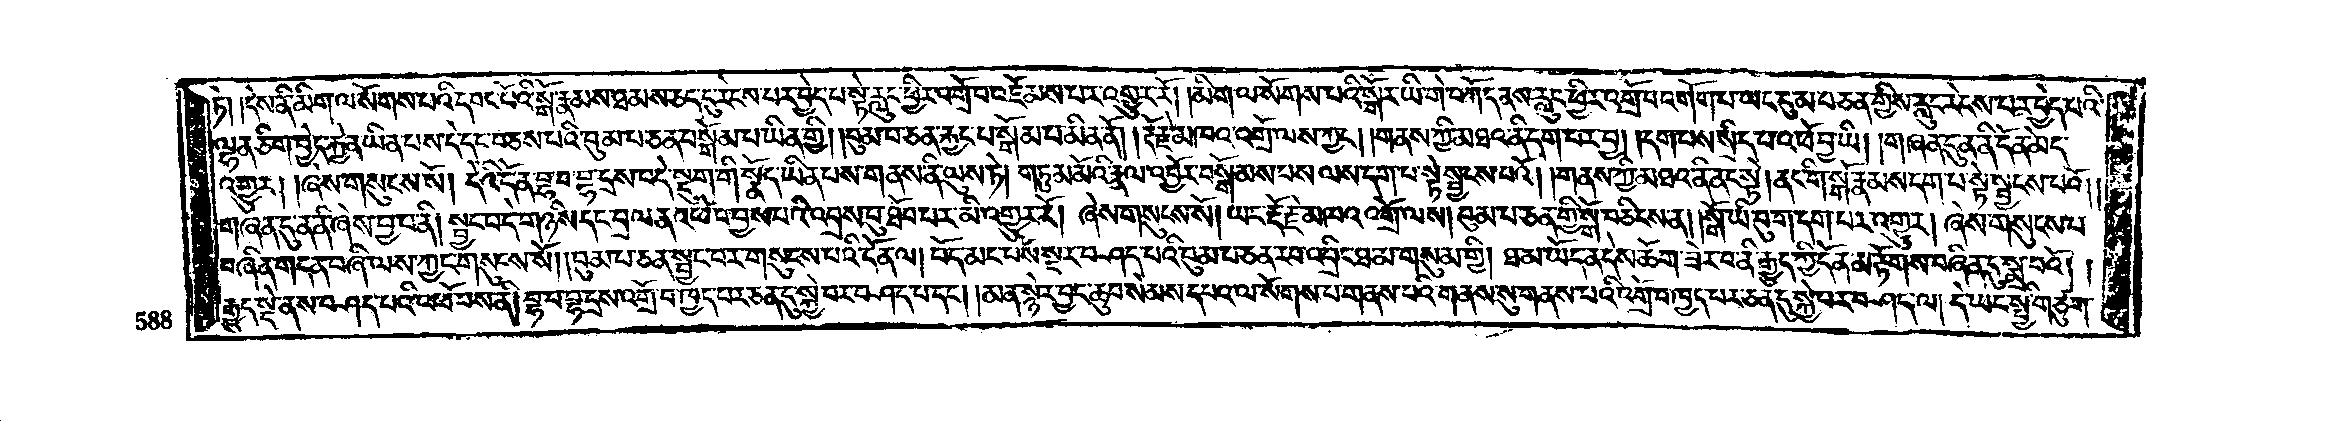ཏེ། །དེས་ནི་མིག་ལ་སོགས་པའི་དབང་པོའི་སྒོ་རྣམས་ཐམས་ཅད་དུ་རེངས་པར་བྱེད་པ་སྟེ་རླུང་ཕྱིར་འགྲོ་བ་འཇོམས་པར་འགྱུར་རོ། །མིག་ལ་སོགས་པའི་སྒོར་ཡི་གེ་བཀོད་ནས་རླུང་ཕྱིར་འགྲོ་བ་འགོག་པ་ཡང་དུམ་པ་ཅན་གྱིས་རླུང་རེངས་པར་བྱེད་པའི་
ལྷན་ཅིག་བྱེད་རྐྱེན་ཡིན་པས་དེ་དང་བཅས་པའི་བུམ་པ་ཅན་བསྒོམ་པ་ཡིན་གྱི། །བུམ་པ་ཅན་རྐྱང་པ་སྒོམ་པ་མིན་ནོ། །རྡོ་རྗེ་མཁའ་འགྲོ་ལས་ཀྱང་། །གནས་ཀྱི་མཐའ་ནི་དག་པར་བྱ། །དག་པས་སྲིད་པ་འཕོ་བྱ་ཡི། །གཞན་དུ་ན་ནི་དོན་མེད་
འགྱུར། །ཞེས་གསུངས་སོ། དེའི་དོན་བྷ་བ་བྷ་དྲས་བདེ་སྡུག་གི་སྣོད་ཡིན་པས་གནས་ནི་ལུས་ཏེ། གཏུམ་མོའི་རྣལ་འབྱོར་བསྒོམས་པས་ལས་དག་པ་སྟེ་སྦྱངས་པའོ། །གནས་ཀྱི་མཐའ་ནི་ནང་སྟེ། ནང་གི་སྒོ་རྣམས་དག་པ་སྟེ་སྦྱངས་པའོ། །
གཞན་དུ་ན་ནི་ཞེས་བྱ་བ་ནི། སྦྱང་པ་དེ་གཉིས་དང་བྲལ་ན་འཕོ་བ་བྱས་པའི་འབྲས་བུ་ཐོབ་པར་མི་འགྱུར་རོ། ཞེས་གསུངས་སོ། ཡང་རྡོ་རྗེ་མཁའ་འགྲོ་ལས། བུམ་པ་ཅན་གྱི་སྒོ་བཅིངས་ན། །སྒོ་ཡི་བུ་ག་དག་པར་འགྱུར། ཞེས་གསུངས་པ་
བཞིན་གདན་བཞི་ལས་ཀྱང་གསུངས་སོ། །བུམ་པ་ཅན་སྦྱང་བར་གསུངས་པའི་དོན་ལ། བོད་མང་པོས་སྔར་བཤད་པའི་བུམ་པ་ཅན་རབ་འབྲིང་ཐ་མ་གསུམ་གྱི། ཐ་མ་ཡོད་ན་དེས་ཆོག་ཟེར་བ་ནི་རྒྱུད་ཀྱི་དོན་མ་རྟོགས་བཞིན་དུ་སྨྲ་བའོ། །
རྒྱུད་སྡེ་ནས་བཤད་པའི་འཕོ་བས་ནི། བྷ་བ་བྷ་དྲས་འགྲོ་བ་ཁྱད་པར་ཅན་དུ་སྐྱེ་བར་བཤད་པ་དང་། །མན་སྙེར་བྱང་ཆུབ་སེམས་དཔའ་ལ་སོགས་པ་གནས་པའི་གནས་སུ་གནས་པའི་འགྲོ་བ་ཁྱད་པར་ཅན་དུ་སྐྱེ་བར་བཤད་ལ། དེ་ཡང་སྤྱི་གཙུག་